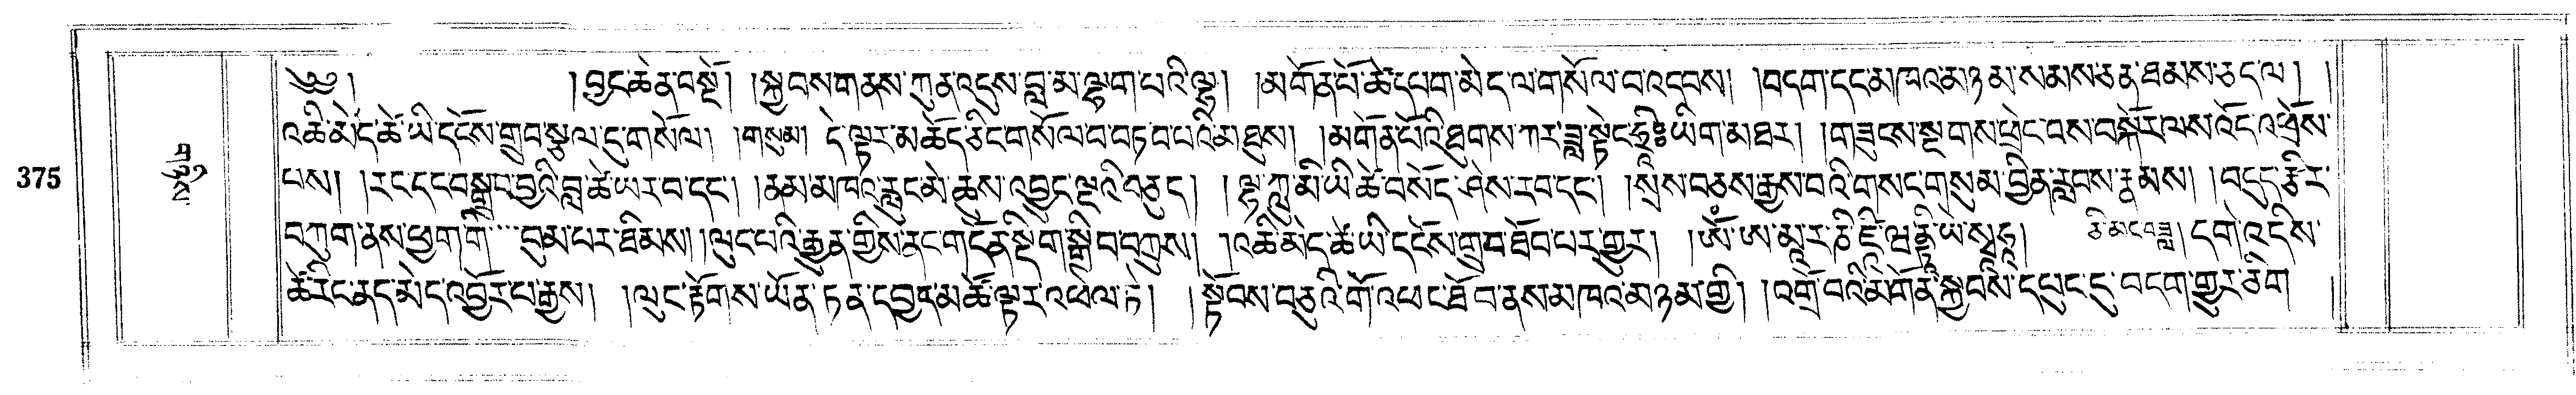༄༅། །བྱང་ཆེན་བསྔོ། །སྐྱབས་གནས་ཀུན་འདུས་བླ་མ་ལྷག་པའི་ལྷ། །མགོན་པོ་ཚེ་དཔག་མེད་ལ་གསོལ་བ་འདེབས། །བདག་དང་མཁའ་མཉམ་སེམས་ཅན་ཐམས་ཅད་ལ། །
འཆི་མེད་ཚེ་ཡི་དངོས་གྲུབ་སྩལ་དུ་གསོལ། །གསུམ། དེ་ལྟར་མཆོད་ཅིང་གསོལ་བ་བཏབ་པའི་མཐུས། །མགོན་པོའི་ཐུགས་ཀར་ཟླ་སྟེང་ཧྲཱིཿ ཡིག་མཐར། །གཟུངས་སྔགས་ཕྲེང་བས་བསྐོར་ལས་འོད་འཕྲོས་
པས། །རང་དང་བསྒྲུབ་བྱའི་བླ་ཚེ་ཡར་བ་དང་། །ནམ་མཁའ་རླུང་མེ་ཆུས་འབྱུང་ལྔའི་བཅུད། །ལྷ་ཀླུ་མི་ཡི་ཚེ་བསོད་ཤེས་རབ་དང་། །སྲས་བཅས་རྒྱས་བའི་གསང་གསུམ་བྱིན་རླབས་རྣམས། །བདུད་རྩིར་
བཀུག་ནས་ཕྱག་གི་བུམ་པར་ཐིམས། །ལུང་པའི་རྒྱུན་གྱིས་ནང་གདོན་སྡིག་སྒྲིབ་བཀྲུས། །འཆི་མེད་ཚེ་ཡི་དངོས་གྲུབ་ཐོབ་པར་གྱུར། །ཨོཾ་ཨ་མཱ་ར་ཎི་ཛཱི་ཝནྟཱི་ཡེ་སྭཱཧཱ། ཅི་མང་བཟླ། དགེ་འདིས་
ཚེ་རིང་ནད་མེད་འབྱོར་པ་རྒྱས། །ལུང་རྟོགས་ཡོན་ཏན་དབྱར་མཚོ་ལྟར་འཕེལ་ཏེ། །སྟོབས་བཅུའི་གོ་འཕང་ཐོབ་ནས་མཁའ་མཉམ་གྱི། །འགྲོ་བའི་མགོན་སྐྱབས་དཔུང་དུ་བདག་གྱུར་ཅིག །